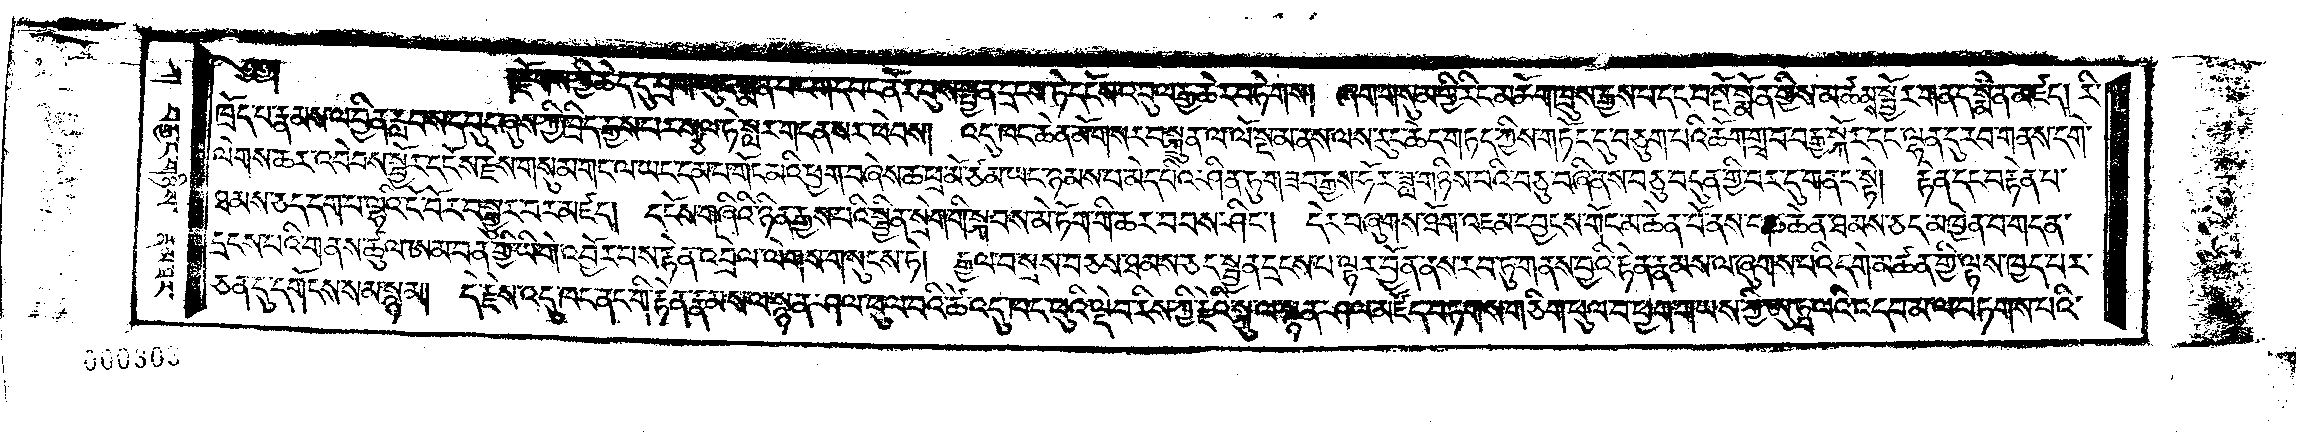༄༅། །རྫོགས་ཀྱི་ཆེད་དུ་བྲག་ལུང་སྨན་པ་ངག་དབང་ནོར་བུས་སྤྱན་དྲངས་ཏེ་དངོས་འབུལ་རྒྱ་ཆེར་བཏེགས། ཞག་གསུམ་གྱི་རིང་མཆོག་ཁྲུས་རྒྱས་པ་དང་བསྔོ་སྨོན་གྱིས་མཚམས་སྦྱོར་གནད་སྨིན་མཛད། རི་
ཁྲོད་པ་རྣམས་ལ་བྱིན་རླབས་དཔུང་ཞུས་ཀྱི་ཁྲིད་རྒྱས་པར་སྩལ་ཏེ་སླར་གདན་སར་ཕེབས། འདུ་ཁང་ཆེན་མོ་གསར་བསྐྲུན་ལ་ལོ་སྔ་མ་ནས་ལས་རུང་ཆེད་གཏད་ཀྱིས་གཏོང་དུ་བཅུག་པའི་ཆོག་གྲྭ་བ་བརྒྱ་སྐོར་དང་ལྷན་དུ་རབ་གནས་དགེ་
ལེགས་ཆར་འབེབས་སྦྱོར་དངོས་རྗེས་གསུམ་གང་ལ་ཡང་དམ་པ་གོང་མའི་ཕྱག་བཞེས་ཆ་ཕྲ་མོ་ཙམ་ཡང་ཉམས་པ་མེད་པའི་ཤིན་ཏུ་གཟབ་རྒྱས་ཧོར་ཟླ་གཉིས་པའི་བཅུ་བཞི་ནས་བཅུ་བདུན་གྱི་བར་དུ་གནང་སྟེ། རྟེན་དང་བརྟེན་པ་
ཐམས་ཅད་དག་པ་ལྷའི་ངོ་བོར་བསྒྱུར་བར་མཛད། དངོས་གཞིའི་ཉིན་རྒྱས་བའི་སྦྱིན་སྲེག་གི་སྐབས་མེ་ཏོག་གི་ཆར་བབས་ཤིང་། དེར་བཞུགས་ཐོག་འཇམ་དབྱངས་གོང་མ་ཆེན་པོ་ནས་པཎ་ཆེན་ཐམས་ཅད་མཁྱེན་བ་གདན་
དྲངས་པའི་གནས་ཚུལ་ཨམ་བན་གྱི་ཡི་གེ་འབྱོར་པས་རྟེན་འབྲེལ་ལེགས་གསུངས་ཏེ། རྒྱལ་བ་སྲས་བཅས་ཐམས་ཅད་སྤྱན་དྲངས་པ་ལྟར་བྱོན་ནས་རབ་ཏུ་གནས་བྱའི་རྟེན་རྣམས་ལ་ཞུགས་པའི་དགེ་མཚན་གྱི་ལྟས་ཁྱད་པར་
ཅན་དུ་དགོངས་སམ་སྙམ། དེ་རྗེས་འདུ་ཁང་ནང་གི་རྟེན་རྣམས་ལ་སྙན་ཤལ་ཕུལ་བའི་ཚེ་འདུ་ཁང་ཕུའི་ལྡེབ་རིས་ཀྱི་རྗེའི་སྐུ་ལ་སྙན་ཤལ་མཛོད་བཏགས་གཅིག་ཕུལ་བ་ཕྱག་གཡས་ཀྱི་ཨུཏྤ་ལའི་འདབ་མ་ལ་བཏགས་པའི་